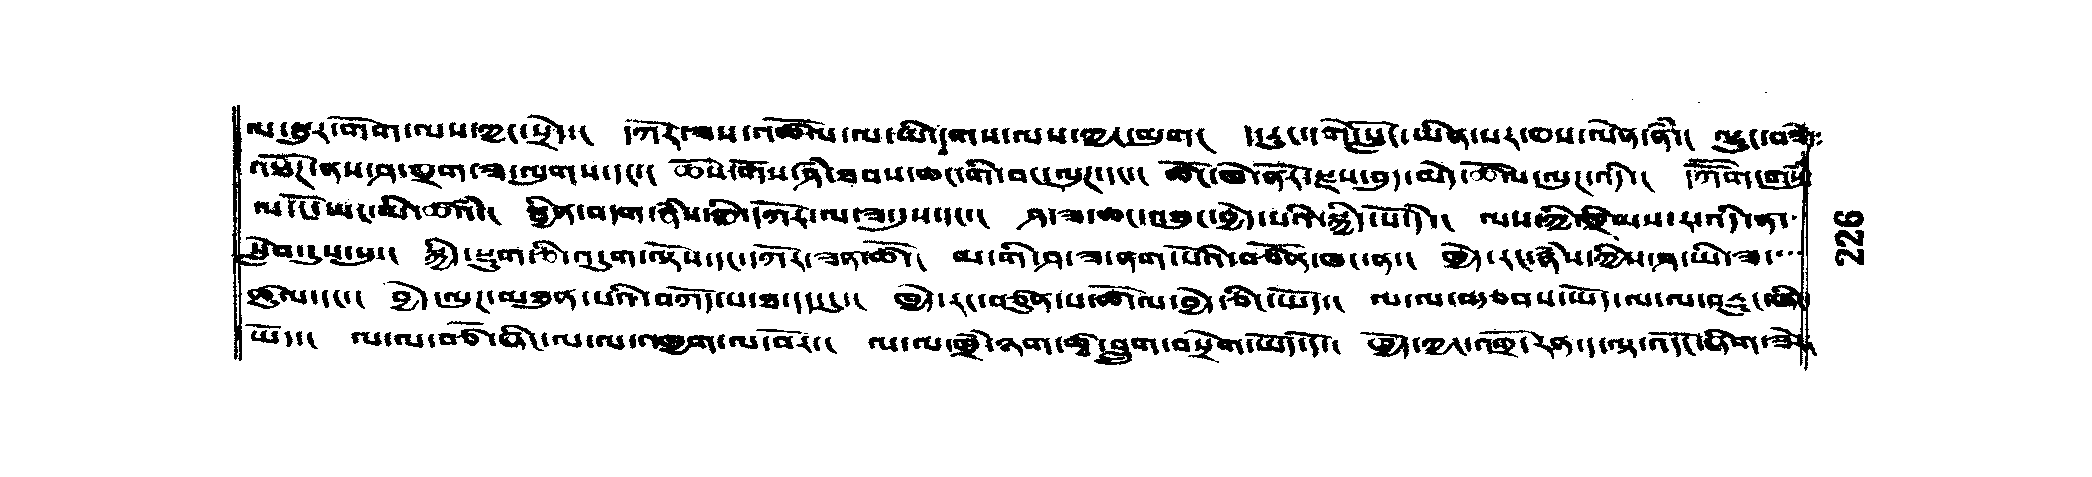ལ་སྦུར་གོག་ལས་ཀྱང་སྲེད། །དཀོར་ཟས་འཚོལ་ལ་ཡི་དྭགས་ལས་ཀྱང་མུག །ད་རུང་དགེ་སློང་ཡིན་པར་ཁས་ལེན་ནམ། །ལྷུང་བཟེད་
ཐོགས་ནས་ཤ་ཁྲག་ཟ་ལུགས་དང་། །ཆོས་གོས་ཤམ་ཐབས་ཆང་གི་བང་ལུགས་དང་། །ཚོང་ཁེ་ནོར་རྫས་བུད་མེད་ཚོལ་ལུགས་འདི། །དཀོན་མཆོག་གསུམ་
ལ་ངོ་ཡང་མི་ཚའམ། །སྦྱིན་བདག་རྣམས་ཀྱི་དཀོར་ལ་ཟ་དུས་དང་། །ཤ་ཟ་ཆང་འཐུང་བྱེད་པའི་སྐྱིད་པོ་དེ། །ལས་ཀྱི་ཁྲིམས་ར་འདི་ན་
སླེབ་དུས་སུ། །སྐྱིད་སྡུག་ཅི་འདུག་ལྟོས་དང་དཀོར་ཟན་ཚོ། །མ་གི་ཤ་ཟ་ནག་པོའི་བཙོན་ཁང་ན། །ཁྱེད་རང་རྣམས་ཀྱིས་ཤ་ཡི་ཟ་
ཚུལ་དང་། །བྱེད་ལུགས་མཐུན་པའི་བཀོད་པ་ཐ་དད་དུ། །ཁྱེད་རང་བཙུན་པ་ཚོ་ལ་བྱེད་ཅིང་ཡོད། །ལ་ལ་བཙབས་ཡོད་ལ་ལ་བརྡུང་ཞིང་
ཡོད། །ལ་ལ་བཙོ་ཞིང་ལ་ལ་འཁྱག་ལ་བོར། །ལ་ལ་ཁྲམ་ཉག་ཚྭ་བླུག་བསྲེག་ཡོད་དོ། །ཁྱོད་ཀྱང་འགྲོ་རན་ད་ལྟ་འདོང་ཞིག་ཟེར།